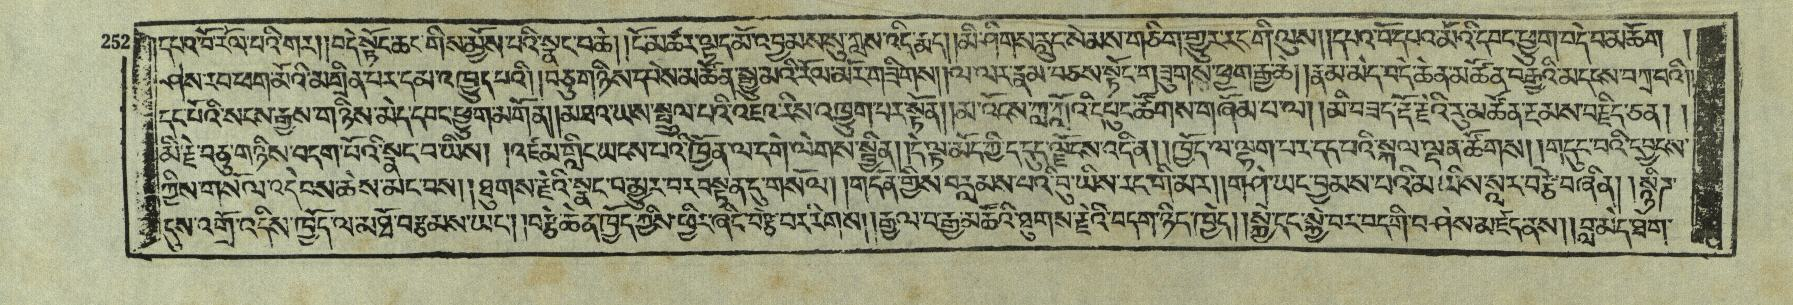དཔའ་བོ་རོལ་པའི་གར། །བདེ་སྟོང་ཆབ་གིས་མྱོས་པའི་སྣང་བ་ཆེ། །ངོ་མཚར་ལྟད་མོ་འབྱམས་སུ་ཀླས་འདི་རྨད། །མི་ཤིགས་རླུང་སེམས་གཅིག་གྱུར་རང་གི་ལུས། །དཔའ་བོ་དཔའ་མོའི་དབང་ཕྱུག་བདེ་བ་མཆོག །
ཤེས་རབ་ཕག་མོའི་མགྲིན་པར་དམ་འཁྱུད་པའི། །བཅུག་གཉིས་དཔེས་མཚོན་སྒྱུ་མའི་རོལ་མོར་གཟིགས། །ལ་ལར་རྣམ་བཅས་སྟོང་གཟུགས་ཕྱག་རྒྱ་ཆེ། །རྣམ་མེད་བདེ་ཆེན་མཚོན་བརྒྱའི་མདངས་བཀྲ་བའི།།
དང་པོའི་སངས་རྒྱས་གཉིས་མེད་དབང་ཕྱུག་མགོན། །མཐའ་ཡས་སྤྲུལ་པའི་འཇའ་རིས་འཁྱུག་པར་སྟོན། །མ་འོངས་ཀླ་ཀློའི་དཔུང་ཚོགས་གཞོམ་པ་ལ། །མི་བཟད་རྡོ་རྗེའི་རུ་མཚོན་རྔམས་བརྗིད་ཅན། །
མི་རྗེ་བཅུ་གཉིས་བདག་པོའི་སྣང་བ་ཡིས། །འཛམ་གླིང་ཡངས་པའི་ཁྱོན་ལ་དགེ་ལེགས་སྦྱིན། །དེ་ལྟ་མོད་ཀྱི་ད་དུད་ལྗོངས་འདི་ན། །ཁྱོད་ལ་ལྷག་པར་དད་པའི་སྐལ་ལྡན་ཚོགས། །གདུང་བའི་དབྱངས་
ཀྱིས་གསོལ་འདེབས་ཆེས་མིང་བས། །ཐུགས་རྗེའི་སྣང་བ་མྱུར་བར་བསྟན་དུ་གསོལ། །གདོན་གྱིས་བརླམས་པའི་བུ་ཡིས་རང་གི་མར། །གཤེ་ཡང་བྱམས་པའི་མ་ཡིས་སླར་བརྩེ་བཞིན། །སྙིཌ་
དུས་འགྲོ་འདིས་ཁྱོད་ལ་མཐོ་བརྩམས་ཡང་། །བརྩེ་ཆེན་ཁྱོད་ཀྱིས་ཕྱིར་ཞིང་བརྩེ་བར་རིགས། །རྒྱལ་བ་རྒྱ་མཚོའི་ཐུགས་རྗེའི་བདག་ཉིད་ཁྱེད། །སྐྱེ་དང་སྐྱེ་བར་བདགི་བཤེས་མཛད་ནས། །བླ་མེད་ཐེག་